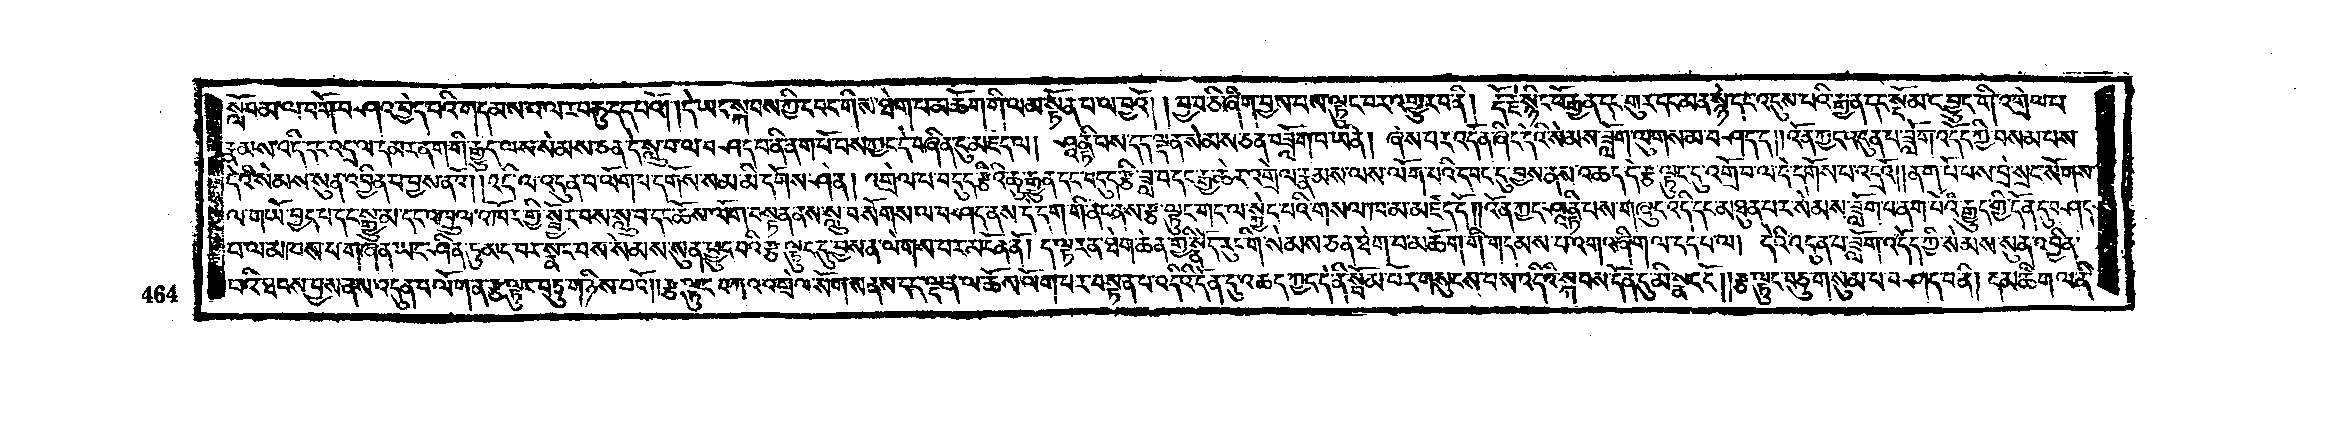སློབ་མ་ལ་བགོ་བཤའ་བྱེད་པའི་གདམས་པ་ལ་རབ་ཏུ་དད་པའོ། །དེ་ཡང་སྐབས་ཀྱི་དབང་གིས་ཐེག་པ་མཆོག་གི་ལམ་སྟོན་པ་ལ་བྱའོ། །བྱ་བ་ཅི་ཞིག་བྱས་པས་ལྟུང་བར་འགྱུར་བ་ནི། རྡོ་རྗེ་སྙིང་པོ་རྒྱན་དང་གུར་དང་མན་སྙེ་དང་འདུས་པའི་རྒྱ་ན་དང་སྡོམ་དབྱུང་གི་འགྲེལ་པ་
རྣམས་འདི་དང་འདྲ་ལ་དམར་ནག་གི་རྒྱུད་ལས་སེམས་ཅན་དེ་སླུ་བ་ལ་བཤད་པ་ནི་ནག་པོ་པས་ཀྱང་དེ་བཞིན་དུ་མཛད་ལ། ཤཱནྟི་པས་དད་ལྡན་སེམས་ཅན་བཟློག་པ་ཡིན། ཞེས་པར་འདོན་ཞིང་དེའི་སེམས་ཟློག་ལུགས་མ་བཤད་ད། །འོན་ཀྱང་འདུན་པ་ཟློག་འདོད་ཀྱི་བསམ་པས་
དེའི་སེམས་སུན་འབྱིན་པ་བྱས་ནའོ། །འདི་ལ་འདུན་པ་ལོག་པ་དགོས་སམ་མི་དགོས་ཤེན། འགྲེལ་པ་བདུད་རྩིའི་ཆུ་རྒྱུན་དང་བདུད་རྩི་ཟླ་བ་དང་རྒྱ་ཆེར་འགྲེལ་རྣམས་ལས་ལོག་པའི་དབང་དུ་བྱས་ནས་འཆད་དེ་རྩ་ལྟུང་དུ་འགྲོ་བ་ལ་དེ་དགོས་པ་འདྲའོ། །ནག་པོ་པས་བྲེ་སྲང་སོགས་
ལ་གཡོ་བྱད་པ་དང་སྒྱུ་མ་དང་འཁྲུལ་འཁོར་གྱི་སྦྱོར་བས་སླུ་བ་དང་ཆོས་ལོག་བསྟན་ནས་སླུ་བ་སོགས་ལ་བཤད་ནས་དེ་དག་གི་ནང་ནས་རྩ་ལྟུང་གང་ལ་སྐྱེད་པའི་གསལ་ཁ་མ་མཛད་དོ། །འོན་ཀྱང་ཤཱནྟི་པས་གཞུང་འདི་དང་མཐུན་པར་སེམས་ཟློག་པ་ནག་པོའི་རྒྱུད་གྱི་དོན་དུ་བཤད་
པ་ལ་མཁས་པ་གཞན་ཡང་ཤིན་ཏུ་མང་བར་སྣང་བས་སེམས་སུན་ཕྱུང་བའི་རྩ་ལྟུང་དུ་བྱས་ན་ལེགས་པར་མངོན་ནོ། ད་ལྟར་ན་ཐེག་ཆེན་གྱི་སྣོད་རུང་གི་སེམས་ཅན་ཐེག་པ་མཆོག་གི་གདམས་པ་འགའ་ཞིག་ལ་དད་པ་ལ། དེའི་འདུན་པ་ཟློག་འདོད་ཀྱི་སེམས་སུན་འབྱིན་
པའི་ཐབས་བྱས་ནས་འདུན་བ་ལོག་ན་རྩ་ལྟུང་བཅུ་གཉིས་པའོ། །རྩ་ལྟུང་བཀའ་འགྲེལ་སོགས་ནས་དད་ལྡན་ལ་ཆོས་ལོག་པར་བསྟན་པ་འདིའི་དོན་དུ་འཆད་ཀྱང་དེ་ནི་སྦོམ་པོར་གསུངས་པས་འདིའི་སྐབས་དོན་དུ་མི་སྣང་ངོ། །རྩ་ལྟུང་བཅུ་གསུམ་པ་བཤད་པ་ནི། དམ་ཚིག་ལ་ནི་